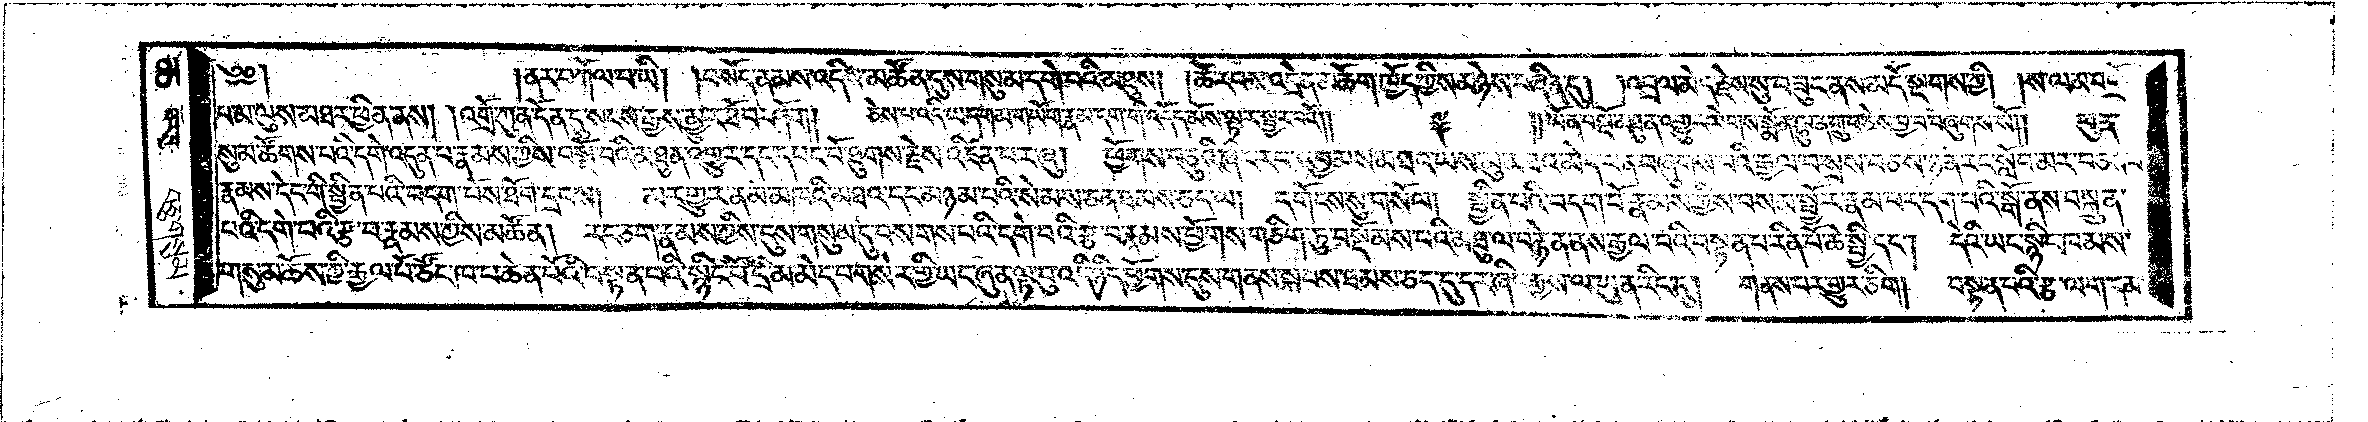༄༅། །ནར་བཀོལ་པ་ཡི། །བསོད་ནམས་འདིས་མཚོན་དུས་གསུམ་དགེ་བའི་མཐུས། །ཚེ་རབས་འདྲེན་མཆོག་ཁྱོད་ཀྱིས་མཉེས་བཞིན་དུ། །འབྲལ་མེད་རྗེས་སུ་བཟུང་ནས་མདོ་སྔགས་ཀྱི། །ས་ལམ་བགྲོ་
པ་མ་ལུས་མཐར་ཕྱིན་ནས། །འགྲོ་ཀུན་དོན་དུ་སངས་རྒྱས་མྱུར་ཐོབ་ཤོག་།ཅེས་པ་འདི་ཡད་གམ་གཡོག་རྣམ་དག་གི་འདོད་མོས་ལྟར་སྦྱར་བའོ།། ༈ །།ཡོན་བསྡོ་མཐུན་འགྱུར་ལེགས་སྨོན་ལྷུན་གྲུབ་ཅེས་བྱ་བ་བཞུགས་སོ།།  ཕུན་
སུམ་ཚོགས་པའི་དགེ་འདུན་པ་རྣམས་ཀྱིས་བསྔོ་བའི་མཐུན་འགྱུར་དང་དབང་པོ་ཐུགས་རྗེས་འཛིན་པར་ཞུ། ཕྱོགས་བཅུའི་ཞིང་རབ་འབྱམས་མཐའ་ཡས་མུ་མཐའ་མེད་པ་ན་བཞུགས་པའི་རྒྱལ་བ་སྲས་བཅས་ཉན་རང་སློབ་མར་བཅས་པ་
རྣམས་དེང་གི་སྦྱིན་པའི་བདག་པོས་ཐོག་དྲངས། མར་གྱུར་ནམ་མཁའི་མཐའ་དང་མཉམ་པའི་སེམས་ཅན་ཐམས་ཅད་ལ། དགོངས་སུ་གསོལ། སྦྱིན་པའི་བདག་པོ་རྣམས་ཀྱིས་བསམ་སྦྱོར་རྣམ་པར་དག་པའི་སྒོ་ནས་བསྒྲུན་
པའི་དགེ་བའི་རྩ་བ་རྣམས་ཀྱིས་མཚོན། རང་ཅག་རྣམས་ཀྱིས་དུས་གསུམ་དུ་བསགས་པའི་དགེ་བའི་རྩ་བ་རྣམས་ཕྱོགས་གཅིག་ཏུ་བསྡོམས་པའི་མཐུ་ལ་བརྟེན་ནས་རྒྱལ་བའི་བསྟན་པ་རིན་པོ་ཆེ་སྤྱི་དང་། དེའི་ཡང་སྙིང་ཁམས་
གསུམ་ཆོས་ཀྱི་རྒྱལ་པོ་ཙོང་ཁ་པ་ཆེན་པོའི་བསྟན་པའི་སྙིང་པོ་དྲེ་མ་མེད་པ་གསེར་གྱི་ཡང་ཞུན་ལྟ་བུ་འདི་ཉིད་ཕྱོགས་དུས་གནས་སྐབས་ཐམས་ཅད་དུ་དར་ཞིང་རྒྱས་ལ་ཡུན་རིང་དུ། གནས་པར་གྱུར་ཅིག །བསྟན་པའི་རྩ་ལག་དམ་